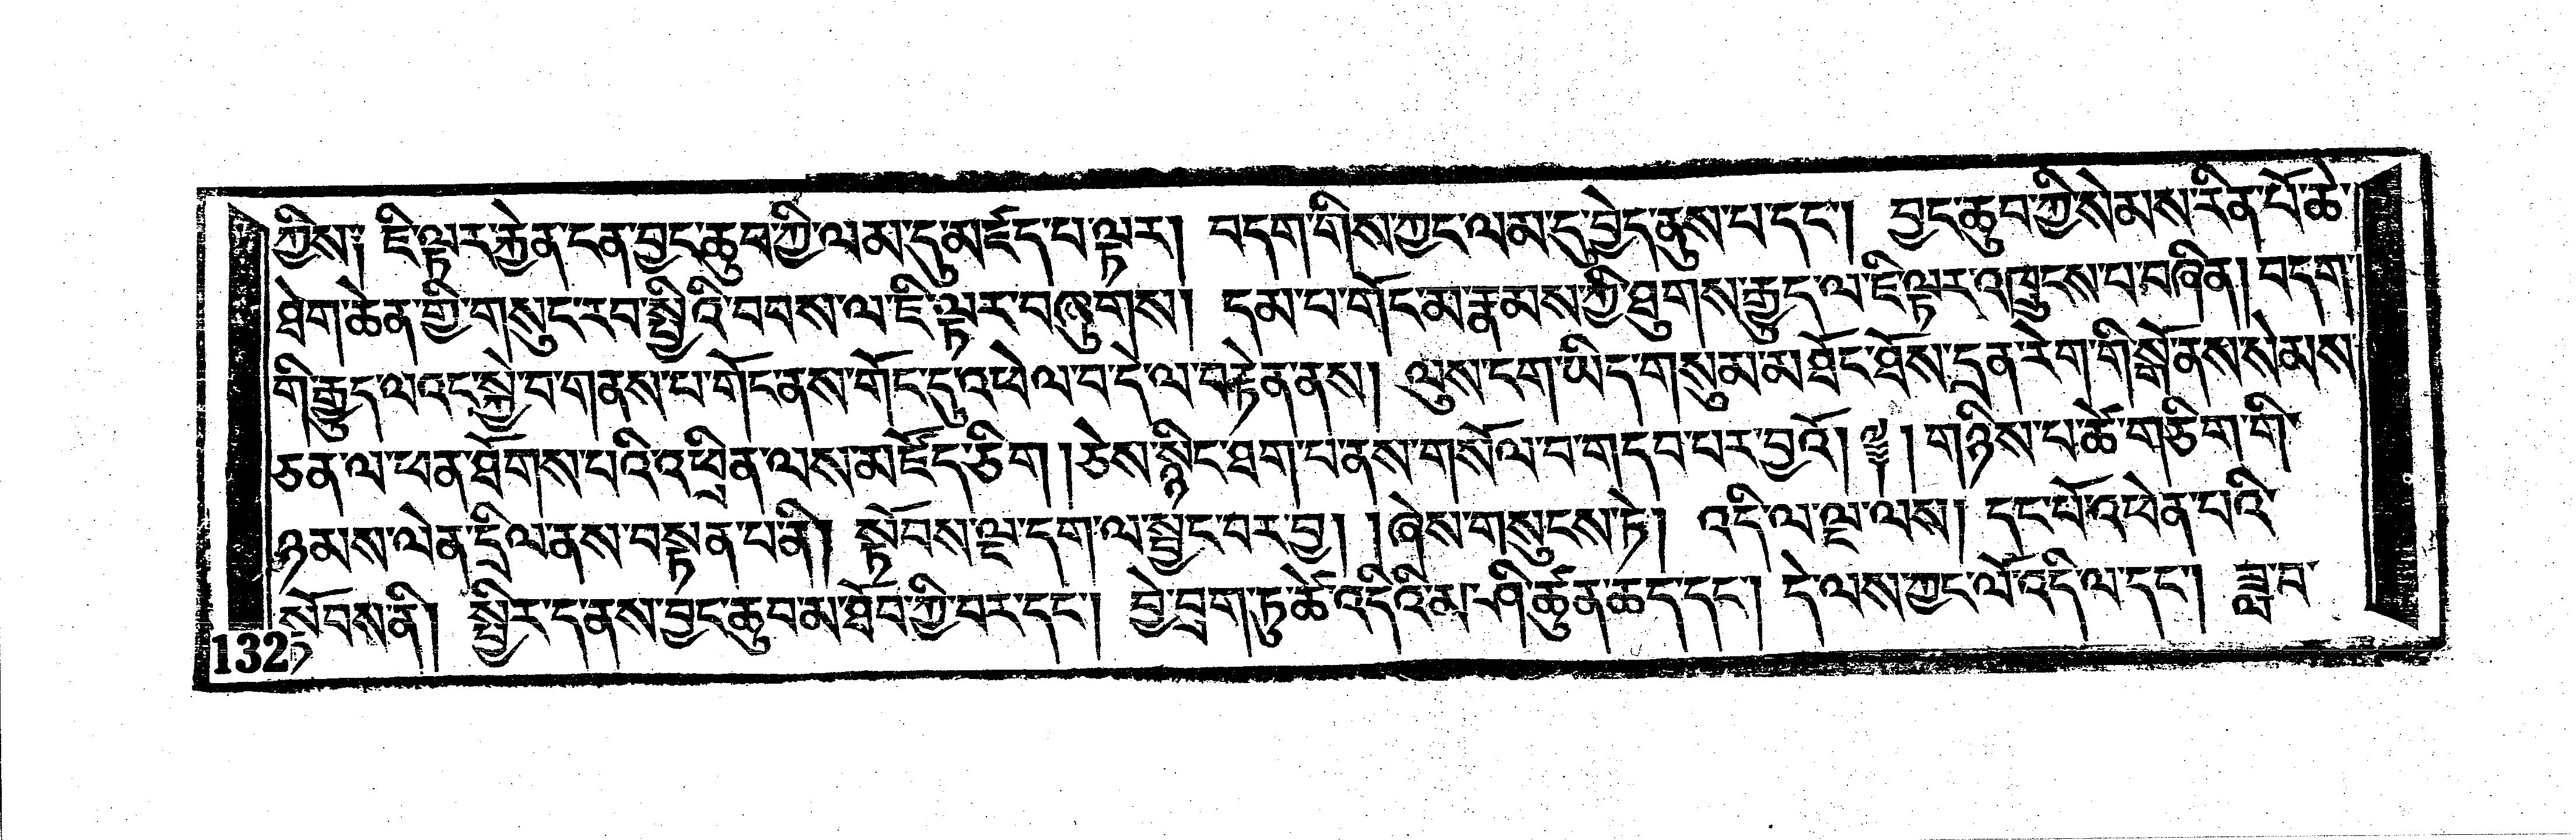ཀྱིས༑ ཇི་ལྟར་རྐྱེན་ངན་བྱང་ཆུབ་ཀྱི་ལམ་དུ་མཛད་པ་ལྟར། བདག་གིས་ཀྱང་ལམ་དུ་བྱེད་ནུས་པ་དང་། བྱང་ཆུབ་ཀྱི་སེམས་རིན་པོ་ཆེ་
ཐེག་ཆེན་གྱི་གསུང་རབ་སྤྱིའི་བབས་ལ་ཇི་ལྟར་བཞུགས། དམ་པ་གོང་མ་རྣམས་ཀྱི་ཐུགས་རྒྱུད་ལ་ཇི་ལྟར་འཁྲུངས་པ་བཞིན། བདག་
གི་རྒྱུད་ལའང་སྐྱེ་བ་གནས་པ་གོང་ནས་གོང་དུ་འཕེལ་བ་དེ་ལ་བརྟེན་ནས། ལུས་ངག་ཡིད་གསུམ་མཐོང་ཐོས་དྲན་རེག་གི་སྒོ་ནས་སེམས་
ཅན་ལ་ཕན་ཐོགས་པའི་འཕྲིན་ལས་མཛོད་ཅིག །ཅེས་སྙིང་ཐག་པ་ནས་གསོལ་བ་གདབ་པར་བྱའོ། ༈ །གཉིས་པ་ཚེ་གཅིག་གི་
ཉམས་ལེན་དྲིལ་ནས་བསྟན་པ་ནི། སྟོབས་ལྔ་དག་ལ་སྦྱང་བར་བྱ། །ཞེས་གསུངས་ཏེ། འདི་ལ་ལྔ་ལས། དང་པོ་འཕེན་པའི་
སྟོབས་ནི། སྤྱིར་ད་ནས་བྱང་ཆུབ་མ་ཐོབ་ཀྱི་བར་དང་། བྱེ་བྲག་ཏུ་ཚེ་འདིའི་མ་ཤི་ཚུན་ཆད་དང་། དེ་ལས་ཀྱང་ལོ་འདི་ལ་དང་། ཟླ་བ་